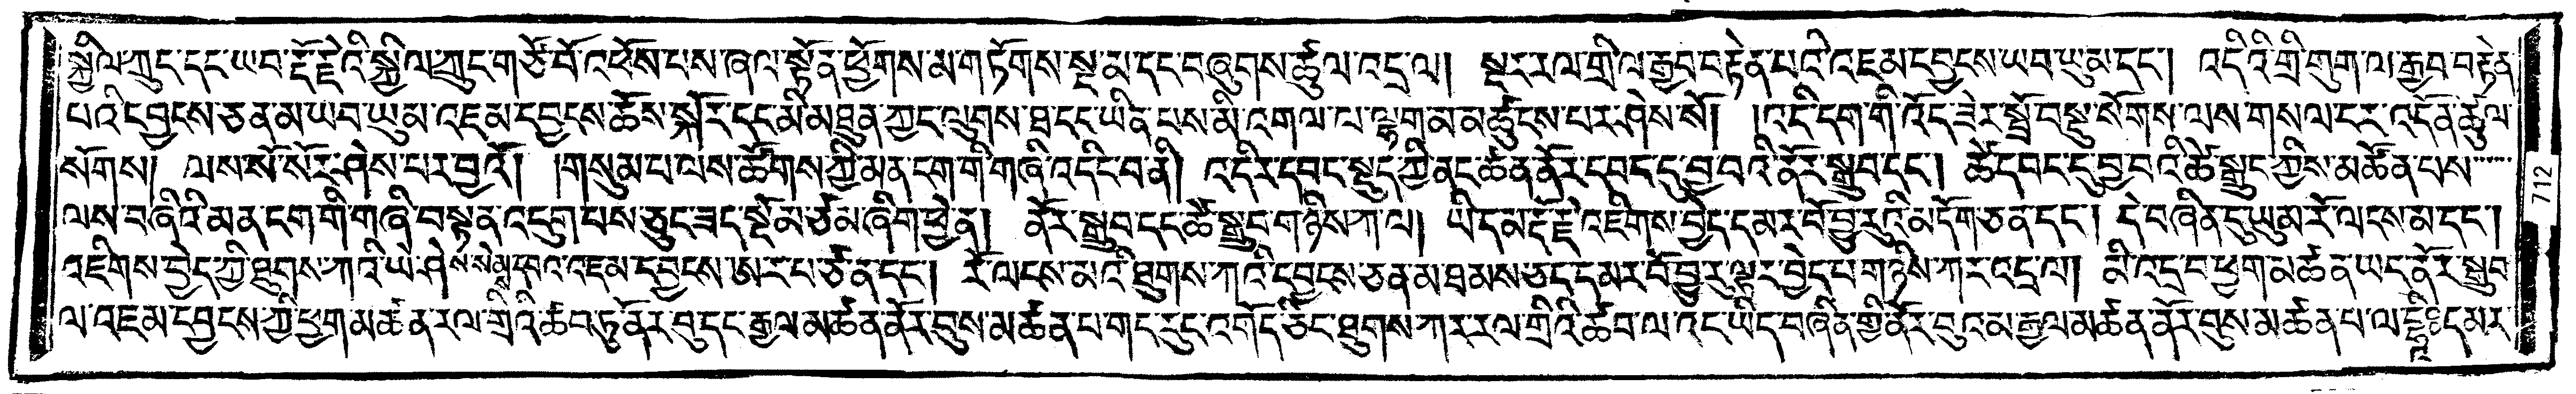སྐྱིལ་ཀྲུང་དང་ཡབ་རྡོ་རྗེའི་སྐྱིལ་ཀྲུང་གཙོ་བོ་འཕོས་པས་ཞལ་སྟོན་ཕྱོགས་མ་གཏོགས་སྔ་མ་དང་བཞུགས་ཚུལ་འདྲ་ལ། སྔར་རལ་གྲི་ལ་རྒྱབ་བརྟེན་པའི་འཇམ་དབྱངས་ཡབ་ཡུམ་དང་། འདིའི་གྲི་གུག་ལ་རྒྱབ་བརྟེན་
པའི་དབྱངས་ཅན་མ་ཡབ་ཡུམ་འཇམ་དབྱངས་ཆོས་སྐོར་དང་མི་མཐུན་ཀྱང་ལུགས་ཐ་དད་ཡིན་པས་མི་འགལ་ལ་ལྷག་མ་མཚུངས་པར་ཤེས་སོ། །འདི་དག་གི་འོད་ཟེར་སྤྲོ་བསྡུ་སོགས་ལས་གསལ་བར་འདོན་ཚུལ་
སོགས། ལས་སོ་སོར་ཤེས་པར་བྱའོ། །གསུམ་པ་ལས་ཚོགས་ཀྱི་མན་ངག་གི་གཞི་འདིང་བ་ནི། འདིར་དབང་སྡུད་ཀྱི་ནང་ཚན་ནོར་དབང་དུ་བྱ་བའི་ནོར་སྒྲུབ་དང་། ཚེ་དབང་དུ་བྱ་བའི་ཚེ་སྒྲུབ་ཀྱིས་མཚོན་པས་
ལས་བཞིའི་མན་ངག་གི་གཞི་བསྟན་འདུག་པས་ཅུང་ཟད་སྡོམ་ཙམ་ཞིག་ཕྱེ་ན། ནོར་སྒྲུབ་དང་ཚེ་སྒྲུབ་གཉིས་ཀ་ལ། ཡི་དམ་རྡོ་རྗེ་འཇིགས་བྱེད་དམར་པོ་བྱུ་རུའི་མདོག་ཅན་དང་། དེ་བཞིན་དུ་ཡུམ་རོ་ལངས་མ་དང་།
འཇིགས་བྱེད་ཀྱི་ཐུགས་ཀའི་ཡེ་ཤེས་སེམས་དཔའ་འཇམ་དབྱངས་ཨ་ར་པ་ཙ་ན་དང་། རོ་ལངས་མའི་ཐུགས་ཀའི་དབྱངས་ཅན་མ་ཐམས་ཅད་དམར་པོ་བྱུ་རུ་ལྟར་བྱེད་པ་གཉིས་ཀར་འདྲ་ལ། མི་འདྲ་བ་ཕྱག་མཚན་ཡང་ནོར་སྒྲུབ་
ལ་འཇམ་དབྱངས་ཀྱི་ཕྱག་མཚན་རལ་གྲིའི་ཚབ་ཏུ་ནོར་བུ་དང་རྒྱལ་མཚན་ནོར་བུས་མཚན་པ་གང་རུང་འགོད་ཅིང་ཐུགས་ཀར་རལ་གྲིའི་ཚབ་ལ་འང་ཡིད་བཞིན་གྱི་ནོར་བུའམ་རྒྱལ་མཚན་ནོར་བུས་མཚན་པ་ལ་དྷཱིཿདམར་